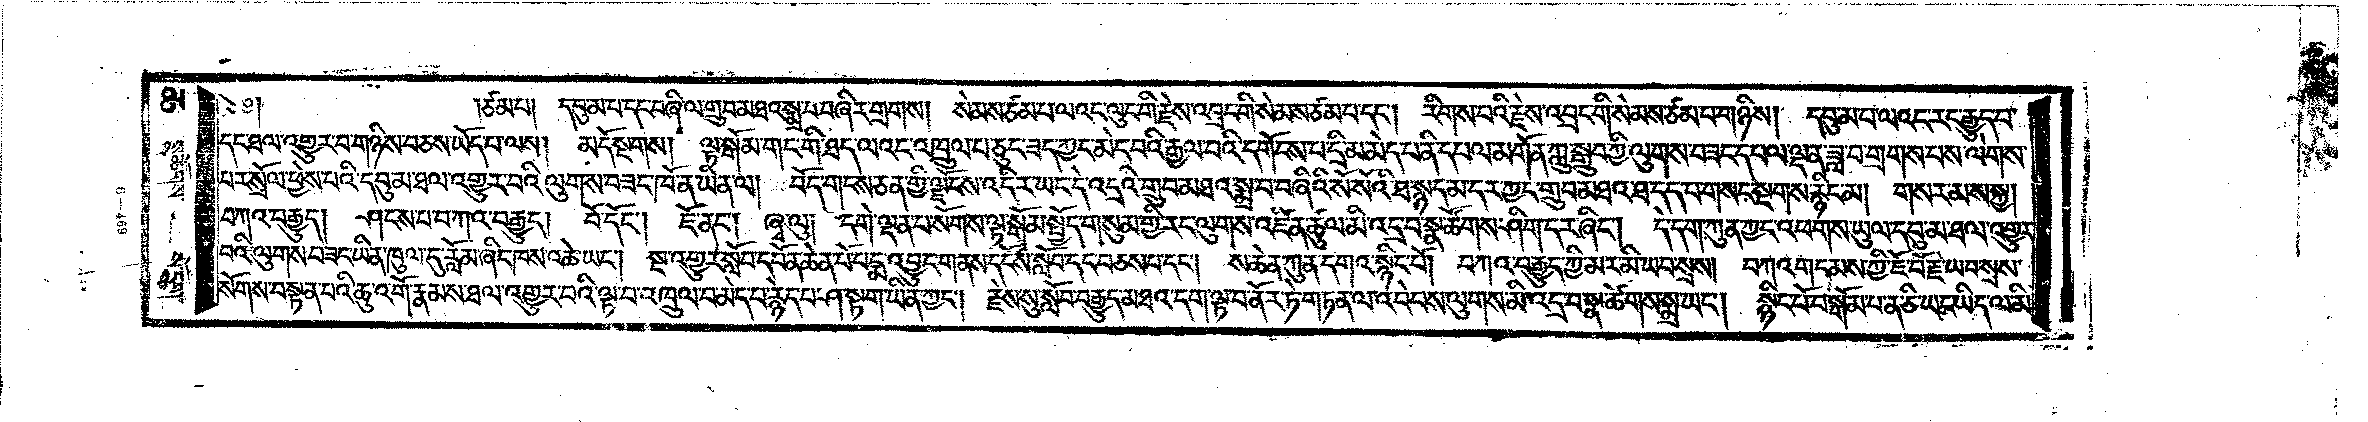༄༅། །ཙམ་པ། དབུམ་པ་དང་བཞི་ལ་གྲུབ་མཐའ་སྨྲ་བ་བཞིར་གྲགས། སེམས་ཙམ་པ་ལའང་ལུང་གི་རྗེས་འབྲང་གི་སེམས་ཙམ་པ་དང་། རིགས་པའི་རྗེས་འབྲང་གི་སེམས་ཙམ་པ་གཉིས། དབུ་མ་པ་ལའང་རང་རྒྱུད་པ་
དང་ཐལ་འགྱུར་བ་གཉིས་བཅས་ཡོད་པ་ལས། མདོ་སྔགས། ལྟ་སྒོམ་གང་གི་ཐད་ལའང་འཁྲུལ་པ་ཅུང་ཟད་ཀྱང་མེད་བའི་རྒྱལ་བའི་དགོངས་པ་དྲི་མ་མེད་པ་ནི་དཔལ་མགོན་ཀླུ་སྒྲུབ་ཀྱི་ལུགས་བཟང་དཔལ་ལྡན་ཟླ་བ་གྲགས་པས་ལེགས་
པར་སྲོལ་ཕྱེས་པའི་དབུ་མ་ཐལ་འགྱུར་བའི་ལུགས་བཟང་ཁོ་ན་ཡིན་ལ། བོད་གངས་ཅན་གྱི་ལྗོངས་འདིར་ཡང་དེ་འདྲའི་གྲུབ་མཐའ་སྨྲ་བ་བཞིའི་སོ་སོའི་ཐ་སྙད་མ་དར་ཀྱང་གྲུབ་མཐའ་ཐ་དད་པ་གསང་སྔགས་སྙིང་མ། གསར་མས་སྐྱ།
བཀའ་བརྒྱུད། ཤངས་པ་བཀའ་བརྒྱུད། བོ་དོང་། ཇོ་ནང་། ཞྭ་ལུ། དགེ་ལྡན་པ་སོགས་ལྟ་སྒོམ་སྤྱོད་གསུམ་གྱི་རང་ལུགས་འཛིན་ཚུལ་མི་འདྲ་བ་སྣ་ཚོགས་ཤིག་དར་ཞིང་། དེ་དག་ཀུན་ཀྱང་འཕགས་ཡུལ་དབུ་མ་ཐལ་འགྱུར་
བའི་ལུགས་བཟང་ཡིན་ཁུལ་དུ་རློམ་ཞིང་ཁས་འཆེ་ཡང་། སྔ་འགྱུར་སློབ་དཔོན་ཆེན་པོ་པདམ་འབྱུང་གནས་དངོས་སློབ་དང་བཅས་པ་དང་། ས་ཆེན་ཀུན་དགའ་སྙིང་པོ། བཀའ་བརྒྱུད་ཀྱི་མར་མི་ཡབ་སྲས། བཀའ་གདམས་ཀྱི་ཇོ་བོ་རྗེ་ཡབ་སྲས་
སོགས་བསྟན་པའི་རྒྱུ་འགོ་རྣམས་ཐལ་འགྱུར་བའི་ལྟ་བ་འཁྲུལ་བ་མེད་བ་རྙེད་པ་ཤ་སྟག་ཡིན་ཀྱང་། རྗེས་སུ་སློབ་བརྒྱུད་མཐའ་དག་ལྟ་བ་ནོར་ཏེ་གཏན་ལ་འབེབས་ལུགས་མི་འདྲ་བ་སྣ་ཚོགས་སྨྲ་ཡང་། སྙིང་པོ་བསྒོམ་པ་ན་ཅི་ཡང་ཡིད་ལ་མི་